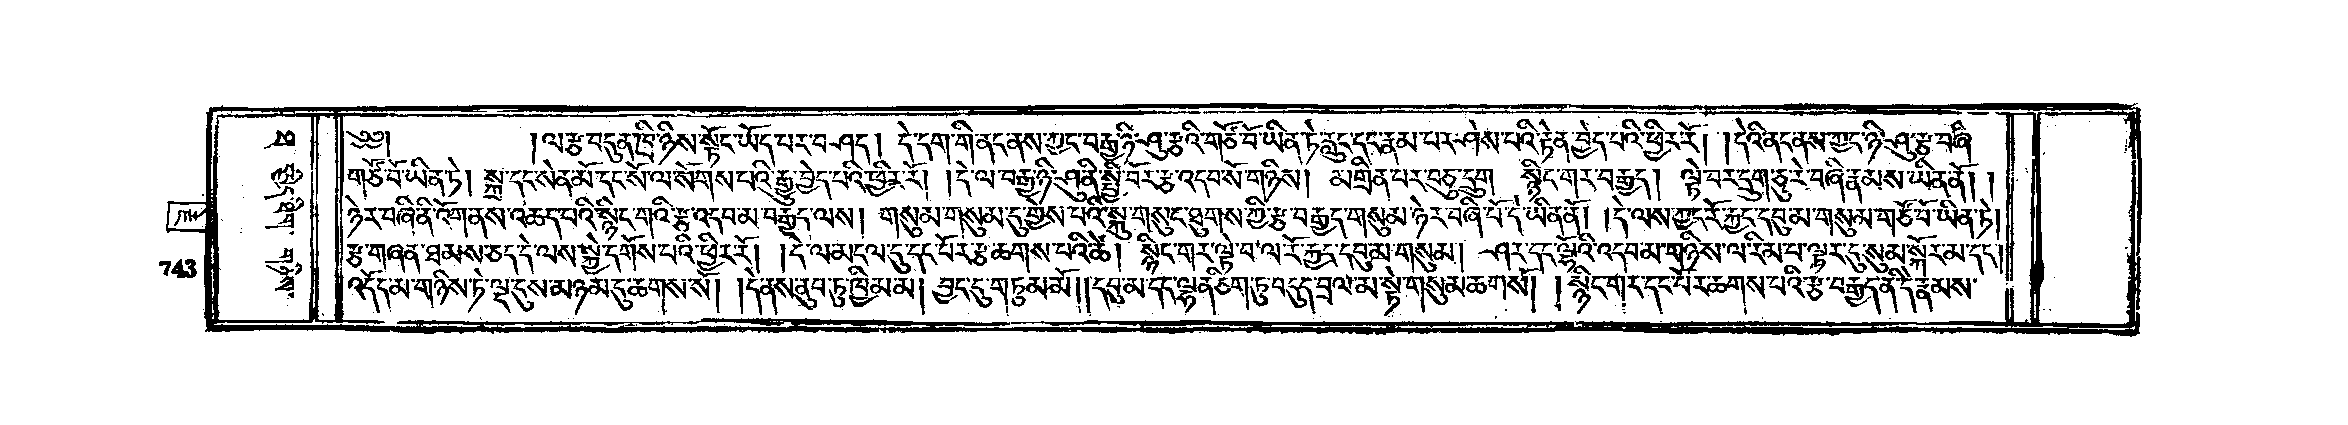༄༅། །ལ་རྩ་བདུན་ཁྲི་ཉིས་སྟོང་ཡོད་པར་བཤད། དེ་དག་གི་ནང་ནས་ཀྱང་བརྒྱ་ཉི་ཤུ་རྩའི་གཙོ་བོ་ཡིན་ཏེ་རླུང་དང་རྣམ་པར་ཤེས་པའི་རྟེན་བྱེད་པའི་ཕྱིར་རོ། །དེའི་ནང་ནས་ཀྱང་ཉི་ཤུ་རྩ་བཞི་
གཙོ་བོ་ཡིན་ཏེ། སྐྲ་དང་སེན་མོ་དང་སོ་ལ་སོགས་པའི་རྒྱུ་བྱེད་པའི་ཕྱིར་རོ། །དེ་ལ་བརྒྱ་ཉི་ཤུ་ནི་སྤྱི་བོར་རྩ་འདབ་སོ་གཉིས། མགྲིན་པར་བཅུ་དྲུག་སྙིང་གར་བརྒྱད། ལྟེ་བར་དྲུག་ཅུ་རེ་བཞི་རྣམས་ཡིན་ནོ། །
ཉེར་བཞི་ནི་འོག་ནས་འཆད་པའི་སྙིང་གའི་རྩ་འདབ་མ་བརྒྱད་ལས། གསུམ་གསུམ་དུ་གྱེས་པའི་སྐུ་གསུང་ཐུགས་ཀྱི་རྩ་བརྒྱད་གསུམ་ཉེར་བཞི་པོ་དེ་ཡིན་ནོ། །དེ་ལས་ཀྱང་རོ་རྐྱང་དབུ་མ་གསུམ་གཙོ་བོ་ཡིན་ཏེ།
རྩ་གཞན་ཐམས་ཅད་དེ་ལས་སྐྱེ་དགོས་པའི་ཕྱིར་རོ། །དེ་ལ་མངལ་དུ་དང་པོར་རྩ་ཆགས་པའི་ཚེ། སྙིང་གར་ལྟེ་བ་ལ་རོ་རྐྱང་དབུ་མ་གསུམ། ཤར་དང་ལྷོའི་འདབ་མ་གཉིས་ལ་རིམ་པ་ལྟར་དུ་སུམ་སྐོར་མ་དང་།
འདོད་མ་གཉིས་ཏེ་ལྔ་དུས་མཉམ་དུ་ཆགས་སོ། །དེ་ནས་ནུབ་ཏུ་ཁྱིམ་མ། བྱང་དུ་གཏུམ་མོ། །དབུ་མ་དང་ལྷན་ཅིག་ཏུ་བདུད་བྲལ་མ་སྟེ་གསུམ་ཆགས་སོ། །སྙིང་གར་དང་པོར་ཆགས་པའི་རྩ་བརྒྱད་ནི་དེ་རྣམས་